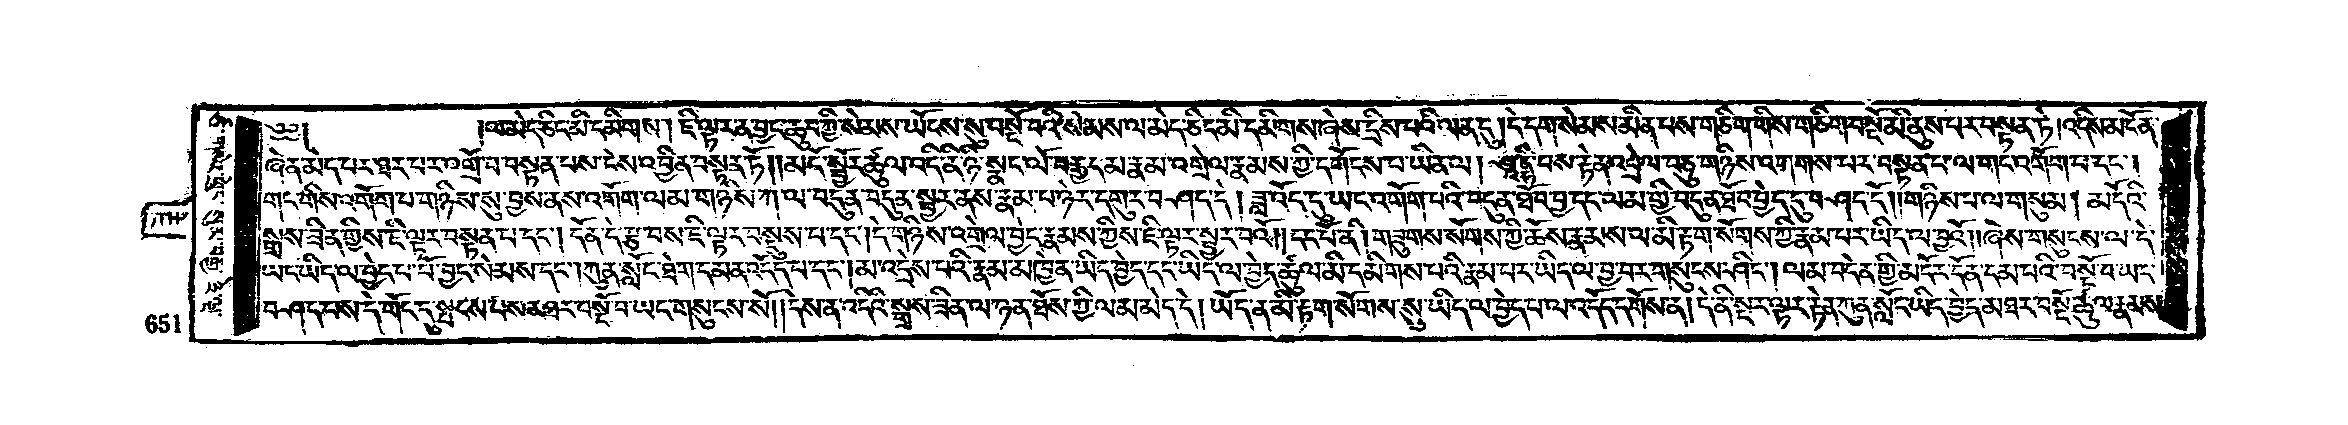༄༅། །ལ་མེད་ཅིང་མི་དམིགས། ཇི་ལྟར་ན་བྱང་ཆུབ་ཀྱི་སེམས་ཡོངས་སུ་བསྔོ་བའི་སེམས་ལ་མེད་ཅིང་མི་དམིགས་ཞེས་དྲིས་པའི་ལན་དུ། དེ་དག་སེམས་མིན་པས་གཅིག་གིས་གཅིག་བསྔོ་མི་ནུས་པར་བསྟན་ཏེ། འདིས་མངོན་
ཞེན་མེད་པར་ཐར་པར་འགྲོ་བ་བསྟན་པས་ངེས་འབྱིན་བསྟན་ཏོ། །མདོ་སྦྱོར་ཚུལ་འདི་ནི་ཉི་སྣང་ལོ་བརྒྱད་མ་རྣམ་འགྲེལ་རྣམས་ཀྱི་དགོངས་པ་ཡིན་ལ། ཤཱནྟི་པས་རྟེན་འབྲེལ་བཅུ་གཉིས་འགགས་པར་བསྟན་པ་ལ་གང་འགོག་པ་དང་།
གང་གིས་འགོག་པ་གཉིས་སུ་བྱས་ནས་འགོག་ལམ་གཉིས་ཀ་ལ་བདུན་བདུན་སྦྱར་ནས་རྣམ་པ་ཉེར་དགུར་བཤད་དེ། ཟླ་འོད་དུ་ཡང་འགོག་པའི་བདུན་ཐོབ་བྱ་དང་ལམ་གྱི་བདུན་ཐོབ་བྱེད་དུ་བཤད་དོ། །གཉིས་པ་ལ་གསུམ། མདོའི་
སྒྲས་ཟིན་གྱིས་ཇི་ལྟར་བསྟན་པ་དང་། དོན་དེ་རྩ་བས་ཇི་ལྟར་བསྡུས་པ་དང་། དེ་གཉིས་འགྲེལ་བྱེད་རྣམས་ཀྱིས་ཇི་ལྟར་སྦྱར་བའོ། །དང་པོ་ནི། གཟུགས་སོགས་ཀྱི་ཆོས་རྣམས་ལ་མི་རྟག་སོགས་ཀྱི་རྣམ་པར་ཡིད་ལ་བྱའོ། །ཞེས་གསུངས་ལ་དེ་
ཡང་ཡིད་ལ་བྱེད་པ་པོ་བྱང་སེམས་དང་། ཀུན་སློང་ཐེག་དམན་འདོད་པ་དང་། མ་འདྲེས་པའི་རྣམ་མཁྱེན་ཡིད་བྱེད་དང་ཡིད་ལ་བྱེད་ཚུལ་མི་དམིགས་པའི་རྣམ་པར་ཡིད་ལ་བྱ་བར་གསུངས་ཤིང་། ལམ་བདེན་གྱི་མདོར་དོན་དམ་པའི་བསྔོ་བ་ཡང་
བཤད་པས་དེ་གོང་དུ་དྲངས་པས་མཐར་བསྔོ་བ་ཡང་གསུངས་སོ། །དེས་ན་འདིའི་སྒྲས་ཟིན་ལ་ཉན་ཐོས་ཀྱི་ལམ་མེད་དེ། ཡོད་ན་མི་རྟག་སོགས་སུ་ཡིད་ལ་བྱེད་པ་ལ་འདོད་དགོས་ན། དེ་ནི་སྔར་ལྟར་རྟེན་ཀུན་སློང་ཡིད་བྱེད་མཐར་བསྔོ་ཚུལ་རྣམས་